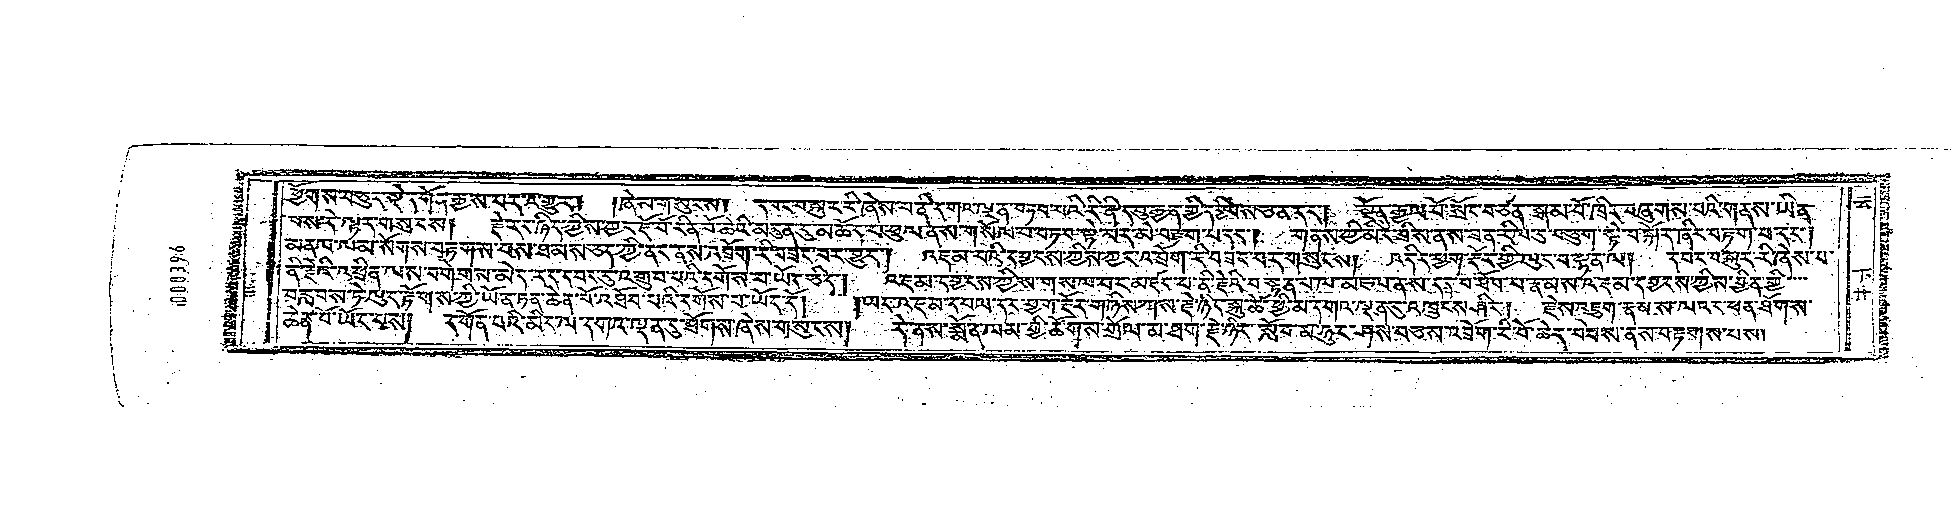ཕྱོགས་བཅུར་སྡེ་དགོན་རྒྱས་པར་འགྱུར། །ཞེས་གསུངས། དབང་བསྐུར་རི་ཞེས་པ་ནི་དགའ་ལྡན་བཏབ་པའི་རི་ནི་དབུ་རྒྱན་གྱི་དབྱིབས་ཅན་དང་། སྔོན་རྒྱལ་པོ་སྲོང་བཙན་སྒམ་བོ་ཁྲིར་བཞུགས་པའི་གནས་ཡིན་
པས་དེ་ལྟར་གསུངས། རྗེ་རང་ཉིད་ཀྱིས་ཀྱང་ཇོ་བོ་རིན་པོ་ཆེའི་མདུན་དུ་མཆོད་པ་ཕུལ་ནས་གསོལ་བ་བཏབ་སྟེ་མར་མེ་བརྟག་པ་དང་། གནས་ཀྱི་མིང་བྲིས་ནས་ཟན་རིལ་དུ་བཅུག་སྟེ་བསྐོར་ཞིང་བརྟག་པ་དང་།
མནལ་ལམ་སོགས་བརྟགས་བས་ཐམས་ཅད་ཀྱི་ནང་ནས་འབྲོག་རི་བཟང་བར་བྱུང་། འཇམ་པའི་དབྱངས་ཀྱིས་ཀྱང་འབྲོག་རི་བཟང་བར་གསུངས། འདིད་ཕྱག་རྡོར་གྱི་ལུང་བསྟན་ལ། དབང་བསྐུར་རི་ཞེས་པ་
ནི་རྗེའི་འཕྲིན་ལས་བགེགས་མེད་རང་དབང་དུ་འགྲུབ་པའི་དགོས་པ་ཡོད་ཅིང་། འཇམ་དབྱངས་ཀྱིས་གསལ་བར་མཛད་པ་ནི་རྗེའི་བསྟན་པ་ལ་མཇལ་ནས་དད་བ་ཐོབ་པ་རྣམས་འཇམ་དབྱངས་ཀྱིས་བྱིན་གྱི་
བརླབས་ཏེ་ལུང་རྟོགས་ཀྱི་ཡོན་ཏན་ཆེན་པོ་འཐོབ་པའི་དགོས་པ་ཡོད་དོ། །ཡང་འཇམ་དཔལ་དང་ཕྱག་རྡོར་གཉིས་ཀས་རྗེ་ཉིད་སྐུ་ཚེ་ཕྱི་མ་དགའ་ལྡན་དུ་འཁྲུངས་ཤིང་། རྗེས་འཇུག་རྣམས་ལའང་ཕན་ཐོགས་
ཆེན་པོ་ཡོང་པས། དགོན་བའི་མིང་ལ་དགའ་ལྡན་དུ་ཐོགས་ཞེས་གསུངས། དེ་ནས་སྨོན་ལམ་གྱི་ཚོགས་གྲོལ་མ་ཐག་རྗེ་ཉིད་སློབ་མ་ཉུང་ཤས་བཅས་འབྲོག་རི་བོ་ཆེར་འཕེབས་ནས་བརྟགས་པས།